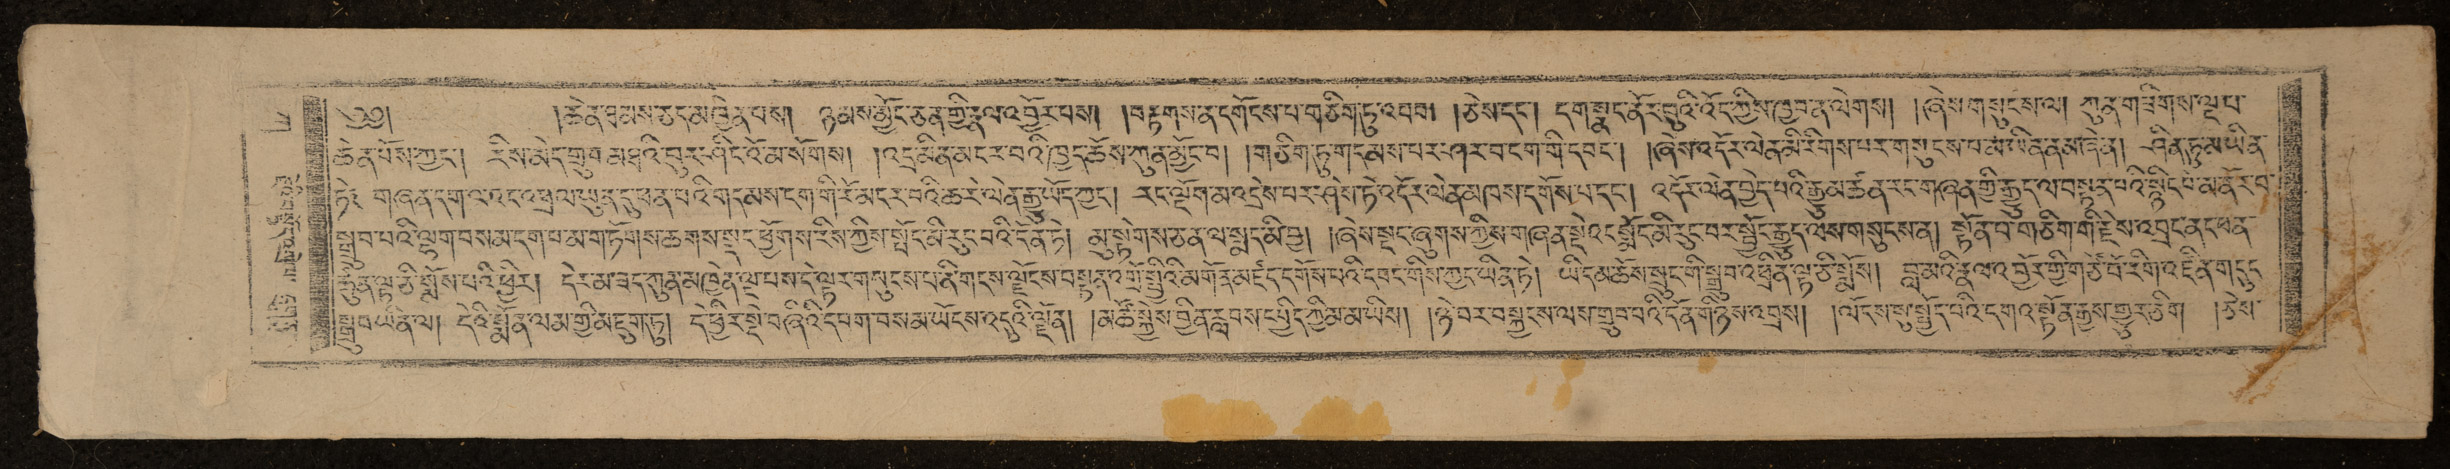༄༅། །ཆེན་ཐམས་ཅད་མཁྱེན་པས། ཉམས་མྱོང་ཅན་གྱི་རྣལ་འབྱོར་པས། །བརྟགས་ན་དགོངས་པ་གཅིག་ཏུ་འབབ། །ཅེས་དང་། དག་སྣང་ནོར་བུའི་བོད་ཀྱིས་ཁྱབ་ན་ལོགས། །ཞེས་གསུངས་ལ། ཀུན་གཟིགས་ལྔ་པ་
ཆེན་པོས་ཀྱང་། རིས་མེད་གྲུབ་མཐའི་བུར་ཤིང་འོ་མ་སོགས། །འདྲ་མིན་མངར་བའི་ཁྱད་ཆོས་ཀུན་མྱོང་བ། །གཅིག་ཏུ་གདམས་པར་ཤར་བདག་གི་དབང་། །ཞེས་འདོར་ལེན་མི་རིགས་པར་གསུངས་པ་མ་ཡིན་ནམ་ཞེ་ན། ཤིན་ཏུ་མ་ཡིན་
ཏེ༑ གཞན་དག་ལའང་འཕྲལ་ཡུན་དུ་ཕན་བའི་གདམས་ངག་གི་རོ་མངར་བའི་ཆ་རེ་ལེན་རྒྱུ་ཡོད་ཀྱང་། རང་ལྡོག་མ་འདྲེས་པར་ཤེས་ཏེ་འདོར་ལེན་མཁས་དགོས་པ་དང་། འདོར་ལེན་བྱེད་པའི་རྒྱུ་མཚན་རང་གཞན་གྱི་རྒྱུད་ལ་བསྟན་པའི་སྙིང་པོ་མ་ནོར་བ་
སྒྲུབ་བའི་ལྷག་བསམ་དག་པ་མ་གཏོགས་ཆགས་སྡང་ཕྱོགས་རིས་ཀྱིས་སྤོང་མི་རུང་བའི་དོན་ཏེ། མུ་སྟེགས་ཅན་ལ་སྨད་མི་བྱ། །ཞེས་སྡང་ཞུགས་ཀྱིས་གཞན་སྡེའང་སྨོད་མི་རུང་བར་སྦྱོང་རྒྱུད་ལས་གསུངས་ན། སྟོན་པ་གཅིག་གི་རྗེས་འབྲང་ནང་ཕན་
ཚུན་ལྟ་ཅི་སྨོས་པའི་ཕྱིར། དེར་མ་ཟད་ཀུན་མཁྱེན་ལྔ་པས་དེ་ལྟར་གསུངས་པ་ནི་གངས་ལྗོངས་བསྟན་འགྲོ་སྤྱིའི་མགོན་མཛད་དགོས་པའི་དབང་གིས་ཀྱང་ཡིན་ཏེ། ཡི་དམ་ཆོས་སྲུང་གི་སྒྲུབ་འཕྲིན་ལྟ་ཅི་སྨོས། བླ་མའི་རྣལ་འབྱོར་གྱི་གཙོ་བོ་རིག་འཛིན་གདུང་
སྒྲུབ་ཡིན་ལ། དེའི་སྨོན་ལམ་གྱི་མཇུག་ཏུ། དེ་ཕྱིར་སྡེ་བཞིའི་དཔག་བསམ་ཡོངས་འདུའི་ལྗོན། །མཚོ་སྐྱེས་བྱིན་རླབས་དཔྱིད་ཀྱི་མ་མ་ཡིས། །ཉེ་བར་བསྐྱངས་ལས་གྲུབ་པའི་དོན་གཉིས་འབྲས། །ལོངས་སུ་སྤྱོད་པའི་དགའ་སྟོན་རྒྱས་གྱུར་ཅིག །ཅེས་